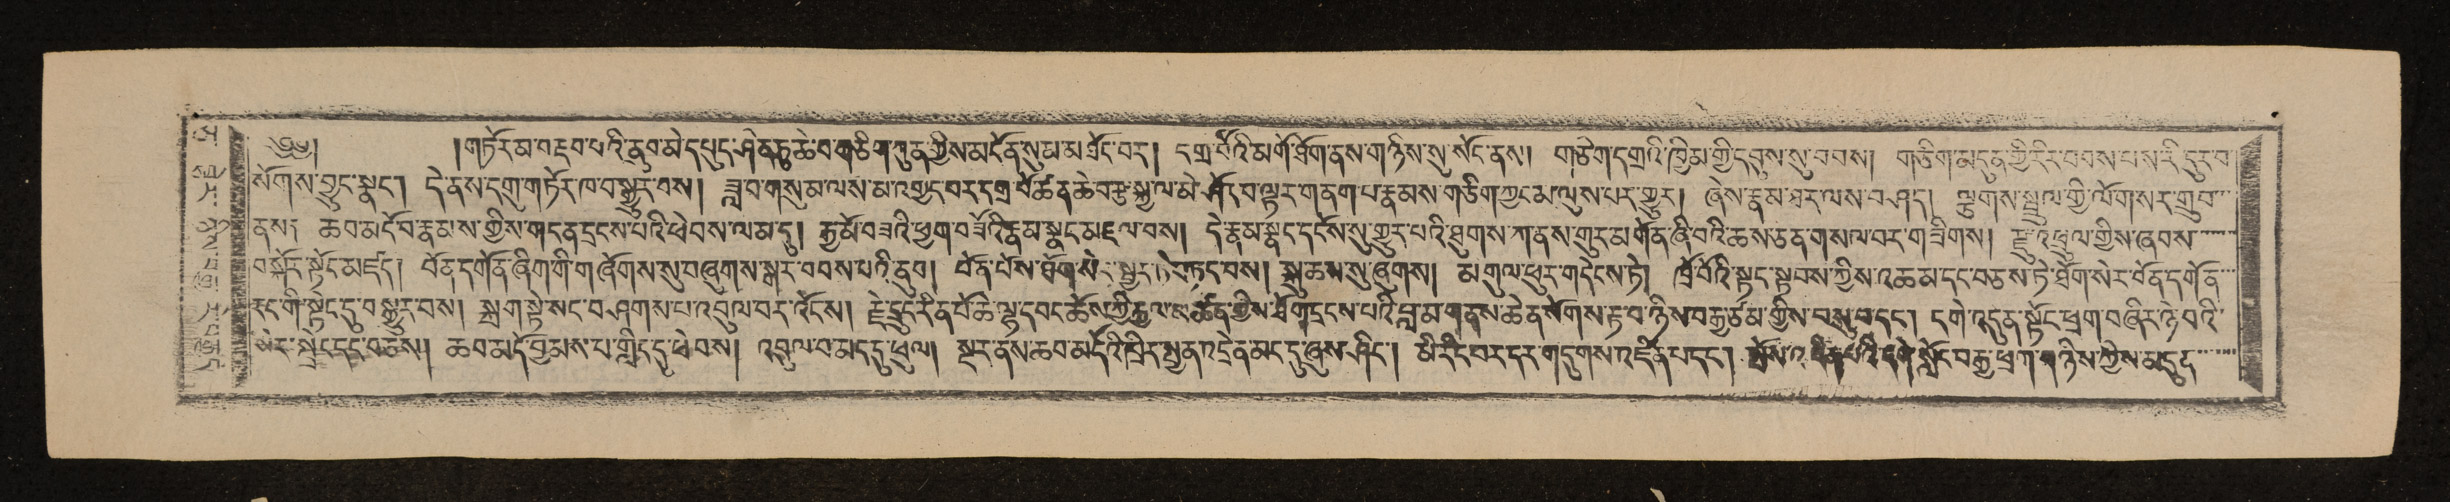༄༅། །གཏོར་མ་བརྡབ་པའི་ནུབ་མེ་དཔུང་ཤིན་ཏུ་ཆེ་བ་གཅིག་ཀུན་གྱིས་མངོན་སུམ་མཐོང་བར། དགྲ་བོའི་མགོ་ཐོག་ནས་གཉིས་སུ་སོང་ནས། གཅིག་དགྲའི་ཁྱིམ་གྱི་དབུས་སུ་བབས། གཅིག་མདུན་གྱི་རིར་བབས་པས་རི་དུར་བ་
སོགས་བྱུང་སྣང་། དེ་ནས་དགུ་གཏོར་ཁ་བསྒྱུར་བས། ཟླ་བ་གསུམ་ལས་མ་འགྱང་བར་དགྲ་བོ་ཚན་ཆེ་བ་རྩ་སྐྱ་ལ་མེ་ཤོར་བ་ལྟར་གནག་པ་རྣམས་གཅིག་ཀྱང་མ་ལུས་པར་གྱུར། ཞེས་རྣམ་ཐར་ལས་བཤད། ལྕགས་སྦྲུལ་གྱི་ལོ་གསར་གྲུབ་
ནས། ཆབ་མདོ་བ་རྣམས་གྱིས་གདན་དྲངས་པའི་ཕེབས་ལམ་དུ། རྒྱ་མོ་བཟའི་ཕྱག་བཟོའི་རྣམ་སྣང་མཇལ་བས། དེ་རྣམ་སྣང་དངོས་སུ་གྱུར་པའི་ཐུགས་ཀ་ནས་གུར་མགོན་ཞི་བའི་ཆས་ཅན་གསལ་བར་གཟིགས། རྫུ་འཕྲུལ་གྱིས་ཞབས་
བསྐོར་སྟོང་མཛད། བོན་དགོན་ཞིག་གི་གཞོགས་སུ་བཞུགས་སྒར་བབས་པའི་ནུབ། བོན་པོས་ཐོག་སེར་སྦྱར་ཏེ་བཏང་བས། སྐུ་ཆས་སུ་ཞུགས། མགུལ་ཕུར་གདེངས་ཏེ། ཁྲོ་བོའི་སྟང་སྟབས་ཀྱིས་འཆམ་དང་བཅས་ཏེ་ཐོག་སེར་བོན་དགོན་
རང་གི་སྟེང་དུ་བསྒྱུར་བས། སྐྲག་སྟེ་སང་བཤགས་པ་འབུལ་བར་འོངས། རྗེ་དྲུང་རིན་པོ་ཆེ་ལྷ་དབང་ཆོས་ཀྱི་རྒྱལ་མཚན་གྱིས་ཐོག་དྲངས་པའི་བླ་མ་གནས་ཆེན་སོགས་རྟ་བ་ཉིས་བརྒྱ་ཙམ་གྱིས་བསུ་བ་དང་། དགེ་འདུན་སྟོང་ཕྲག་བཞིར་ཉེ་བའི་
སེར་སྤྲེང་དང་བཅས། ཆབ་མདོ་བྱམས་པ་གླིང་དུ་ཕེབས། འབུལ་བ་མང་དུ་ཕུལ། སྔར་ནས་ཆབ་མདོའི་ཁྲིར་སྤྱན་འདྲེན་མང་དུ་ཞུས་ཤིང་། མི་རིང་བར་དར་གདུགས་འཛིན་པ་དང་། སྤོས་འཛིན་པའི་དགེ་སློང་བརྒྱ་ཕྲག་གཉིས་ཀྱིས་མདུན་